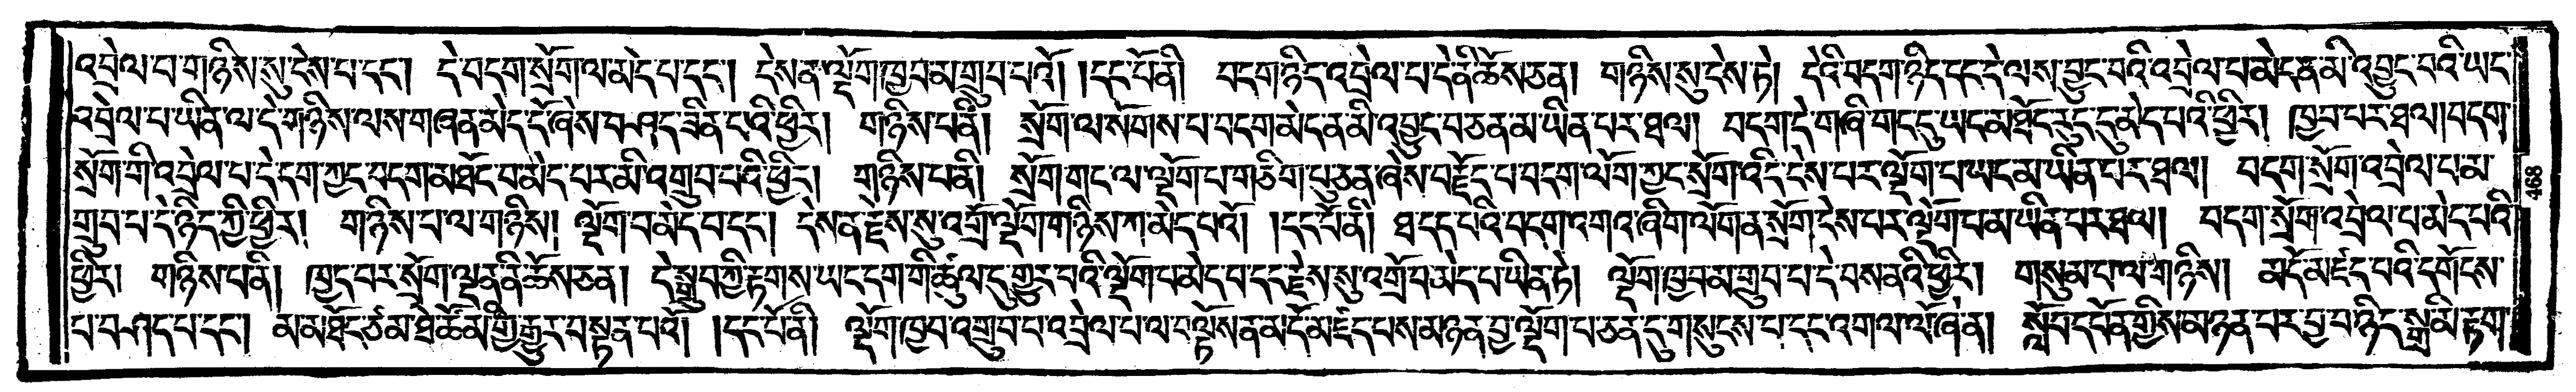འབྲེལ་པ་གཉིས་སུ་ངེས་པ་དང་། དེ་བདག་སྲོག་ལ་མེད་པ་དང་། དེས་ན་ལྡོག་ཁྱབ་མ་གྲུབ་པའོ། །དང་པོ་ནི། བདག་ཉིད་འབྲེལ་པ་དེ་ནི་ཆོས་ཅན། གཉིས་སུ་ངེས་ཏེ། དེའི་བདག་ཉིད་དང་དེ་ལས་བྱུང་བའི་འབྲེལ་པ་མེད་ན་མི་འབྱུང་བའི་ཡང་
འབྲེལ་པ་ཡིན་ལ་དེ་གཉིས་ལས་གཞན་མེད་དོ་ཞེས་བཤད་ཟིན་པའི་ཕྱིར། གཉིས་པ་ནི། སྲོག་ལ་སོགས་པ་བདག་མེད་ན་མི་འབྱུང་བ་ཅན་མ་ཡིན་པར་ཐལ། བདག་དེ་གཞི་གང་དུ་ཡང་མཐོང་རུང་དུ་མེད་པའི་ཕྱིར། ཁྱབ་པར་ཐལ། བདག་
སྲོག་གི་འབྲེལ་པ་དེ་དག་ཀྱང་བདག་མཐོང་པ་མེད་པར་མི་འགྲུབ་པའི་ཕྱིར། གཉིས་པ་ནི། སྲོག་གང་ལ་ལྡོག་པ་གཅིག་པུ་ཅན་ཞེས་བརྗོད་པ་བདག་ལོག་ཀྱང་སྲོག་འདི་ངེས་པར་ལྡོག་པ་ཡང་མ་ཡིན་པར་ཐལ། བདག་སྲོག་འབྲེལ་པ་མ་
གྲུབ་པ་དེ་ཉིད་ཀྱི་ཕྱིར། གཉིས་པ་ལ་གཉིས། ལྡོག་པ་མེད་པ་དང་། དེས་ན་རྗེས་སུ་འགྲོ་ལྡོག་གཉིས་ཀ་མེད་པའོ། །དང་པོ་ནི། ཐ་དད་པའི་བདག་འགའ་ཞིག་ལོག་ན་སྲོག་ངེས་པར་ལྡོག་པ་མ་ཡིན་པར་ཐལ། བདག་སྲོག་འབྲེལ་པ་མེད་པའི་
ཕྱིར། གཉིས་པ་ནི། ཁྱད་པར་སྲོག་ལྡན་ནི་ཆོས་ཅན། དེ་སྒྲུབ་ཀྱི་རྟགས་ཡང་དག་གི་ཚུལ་དུ་གྱུར་པའི་ལྡོག་པ་མེད་པ་དང་རྗེས་སུ་འགྲོ་བ་མེད་པ་ཡིན་ཏེ། ལྡོག་ཁྱབ་མ་གྲུབ་པ་དེ་བས་ནའི་ཕྱིར། གསུམ་པ་ལ་གཉིས། མདོ་མཛད་པའི་དགོངས་
པ་བཤད་པ་དང་། མ་མཐོང་ཙམ་ཐེ་ཚོམ་གྱི་རྒྱུར་བསྟན་པའོ། །དང་པོ་ནི། ལྡོག་ཁྱབ་འགྲུབ་པ་འབྲེལ་པ་ལ་བལྟོས་ན་མདོ་མཛད་པས་མཉན་བྱ་ལྡོག་པ་ཅན་དུ་གསུངས་པ་དང་འགལ་ལོ་ཞེ་ན། སློབ་དཔོན་གྱིས་མཉན་པར་བྱ་པ་ཉིད་སྒྲ་མི་རྟག་